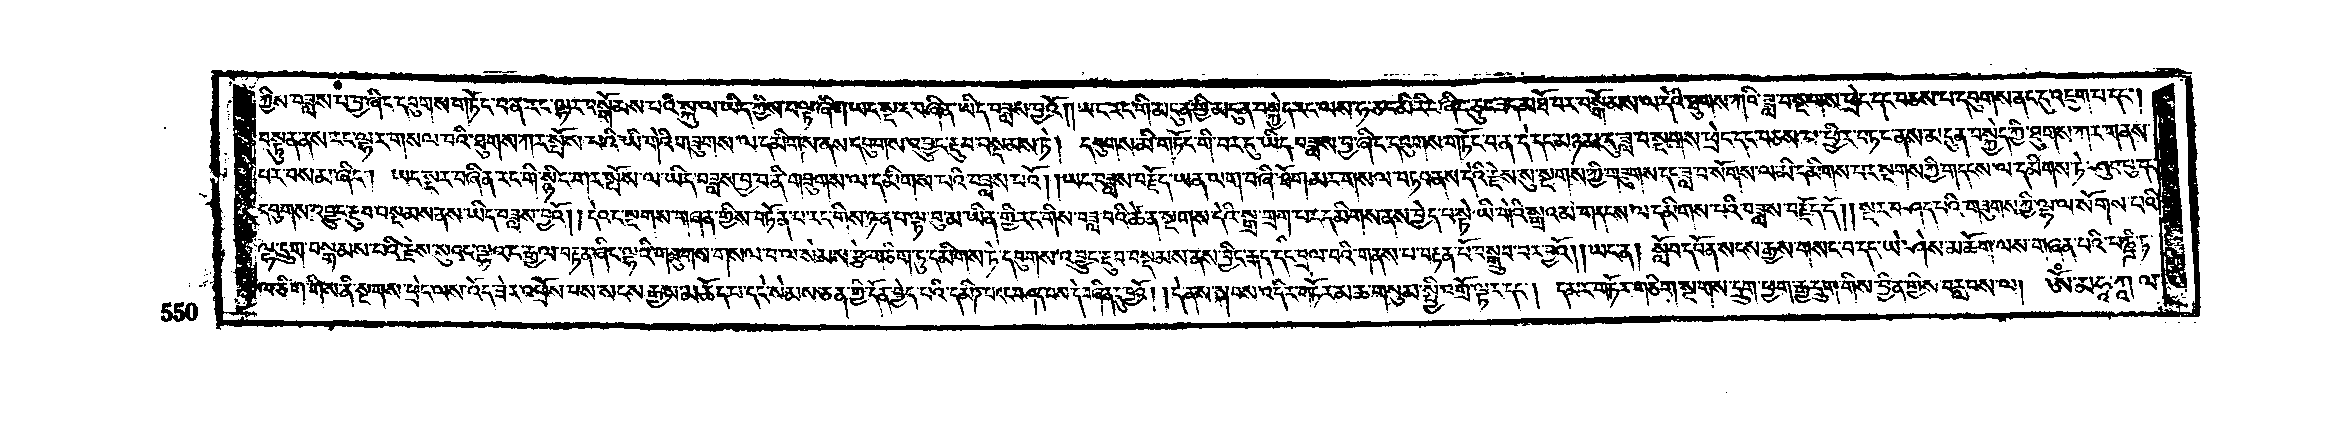ཀྱིས་བཟླས་པ་བྱ་ཞིང་དབུགས་གཏོང་བ་ན་རང་ལྷར་བསྒོམས་པའི་སྐུ་ལ་ཡིད་ཀྱིས་བལྟ་ཞིང་ཡང་སྔར་བཞིན་ཡིད་བཟླས་བྱའོ། །ཡང་རང་གི་མདུན་གྱི་མདུན་བསྐྱེད་རང་ལས་ཧ་ཅང་མི་རིང་ཞིང་ཅུང་ཟད་མཐོ་བར་བསྒོམས་ལ་དེའི་ཐུགས་ཀར་ཟླ་བ་སྔགས་ཕྲེང་དང་བཅས་པ་དབུགས་ནང་དུ་འཇུག་པ་དང་།
བསྟུན་ནས་རང་ལྷར་གསལ་བའི་ཐུགས་ཀར་སྤོས་པའི་ཡི་གེའི་གཟུགས་ལ་དམིགས་ནས་དབུགས་འབྱུང་རྡུབ་བསྡམས་ཏེ། དབུགས་མི་གཏོང་གི་བར་དུ་ཡིད་བཟླས་བྱ་ཞིང་དབུགས་གཏོང་བ་ན་དེ་དང་མཉམ་དུ་ཟླ་བ་སྔགས་ཕྲེང་དང་བཅས་པ་ཕྱིར་བཏང་ནས་མདུན་བསྐྱེད་ཀྱི་ཐུགས་ཀར་གནས་
པར་བསམ་ཞིང་། ཡང་སྔར་བཞིན་རང་གི་སྙིང་གར་སྤོས་ལ་ཡིད་བཟླས་བྱ་བ་ནི་གཟུགས་ལ་དམིགས་པའི་བཟླས་པའོ། །ཡང་བཟླས་བརྗོད་ཡན་ལག་བཞི་ཐོག་མར་གསལ་བཏབ་ནས་དེའི་རྗེས་སུ་སྔགས་ཀྱི་གཟུགས་དང་ཟླ་བ་སོགས་ལ་མི་དམིགས་པར་སྔགས་ཀྱི་གདངས་ལ་དམིགས་ཏེ་ཤུབ་པུ་དང་
དབུགས་འབྱུང་རྡུབ་བསྔམས་ནས་ཡིད་བཟླས་བྱའོ། །དེའང་སྔགས་གཞན་གྱིས་བཏོན་པ་རང་གིས་ཉན་པ་ལྟ་བུ་མ་ཡིན་གྱི་རང་གིས་བཟླ་བའི་ཚེ་ན་སྔགས་དེའི་སྒྲ་གྲག་པར་དམིགས་ནས་བྱེད་པ་སྟེ་ཡི་གེའི་སྒྲའམ་གདངས་ལ་དམིགས་པའི་བཟླས་བརྗོད་དོ། །སྔར་བཤད་པའི་གཟུགས་ཀྱི་ལྷ་ལ་སོགས་པའི་
ལྷ་དྲུག་བསྒོམས་པའི་རྗེས་སུའང་ལྷའི་ང་རྒྱལ་བརྟན་ཞིང་ལྷའི་གཟུགས་གསལ་བ་ལ་སེམས་རྩེ་གཅིག་ཏུ་དམིགས་ཏེ་དབུགས་འབྱུང་རྡུབ་བསྡམས་ནས་བྱིང་རྒད་དང་བྲལ་བའི་གནས་པ་བརྟན་པོ་བསྒྲུབ་པར་བྱའོ། །ཡང་ན། སློབ་དཔོན་སངས་རྒྱས་གསང་བ་དང་ཡེ་ཤེས་མཆོག་ལས་གཞན་པའི་པཎྜི་ཏ་
ཁ་ཅིག་གིས་ནི་སྔགས་ཕྲེང་ལས་འོད་ཟེར་འཕྲོས་པས་སངས་རྒྱས་མཆོད་པ་དང་སེམས་ཅན་གྱི་དོན་བྱེད་པའི་དམིགས་པའང་བཤད་པས་དེ་བཞིན་དུ་བྱའོ། །དེ་ནས་སྐབས་འདིར་གཏོར་མ་ཆ་གསུམ་སྤྱི་འགྲོ་ལྟར་དང་། དམར་གཏོར་གཅིག་སྔགས་དྲུག་ཕྱག་རྒྱ་དྲུག་གིས་བྱིན་གྱིས་བརླབས་ལ། ཨོཾ་མཧཱ་ཀཱ་ལ་